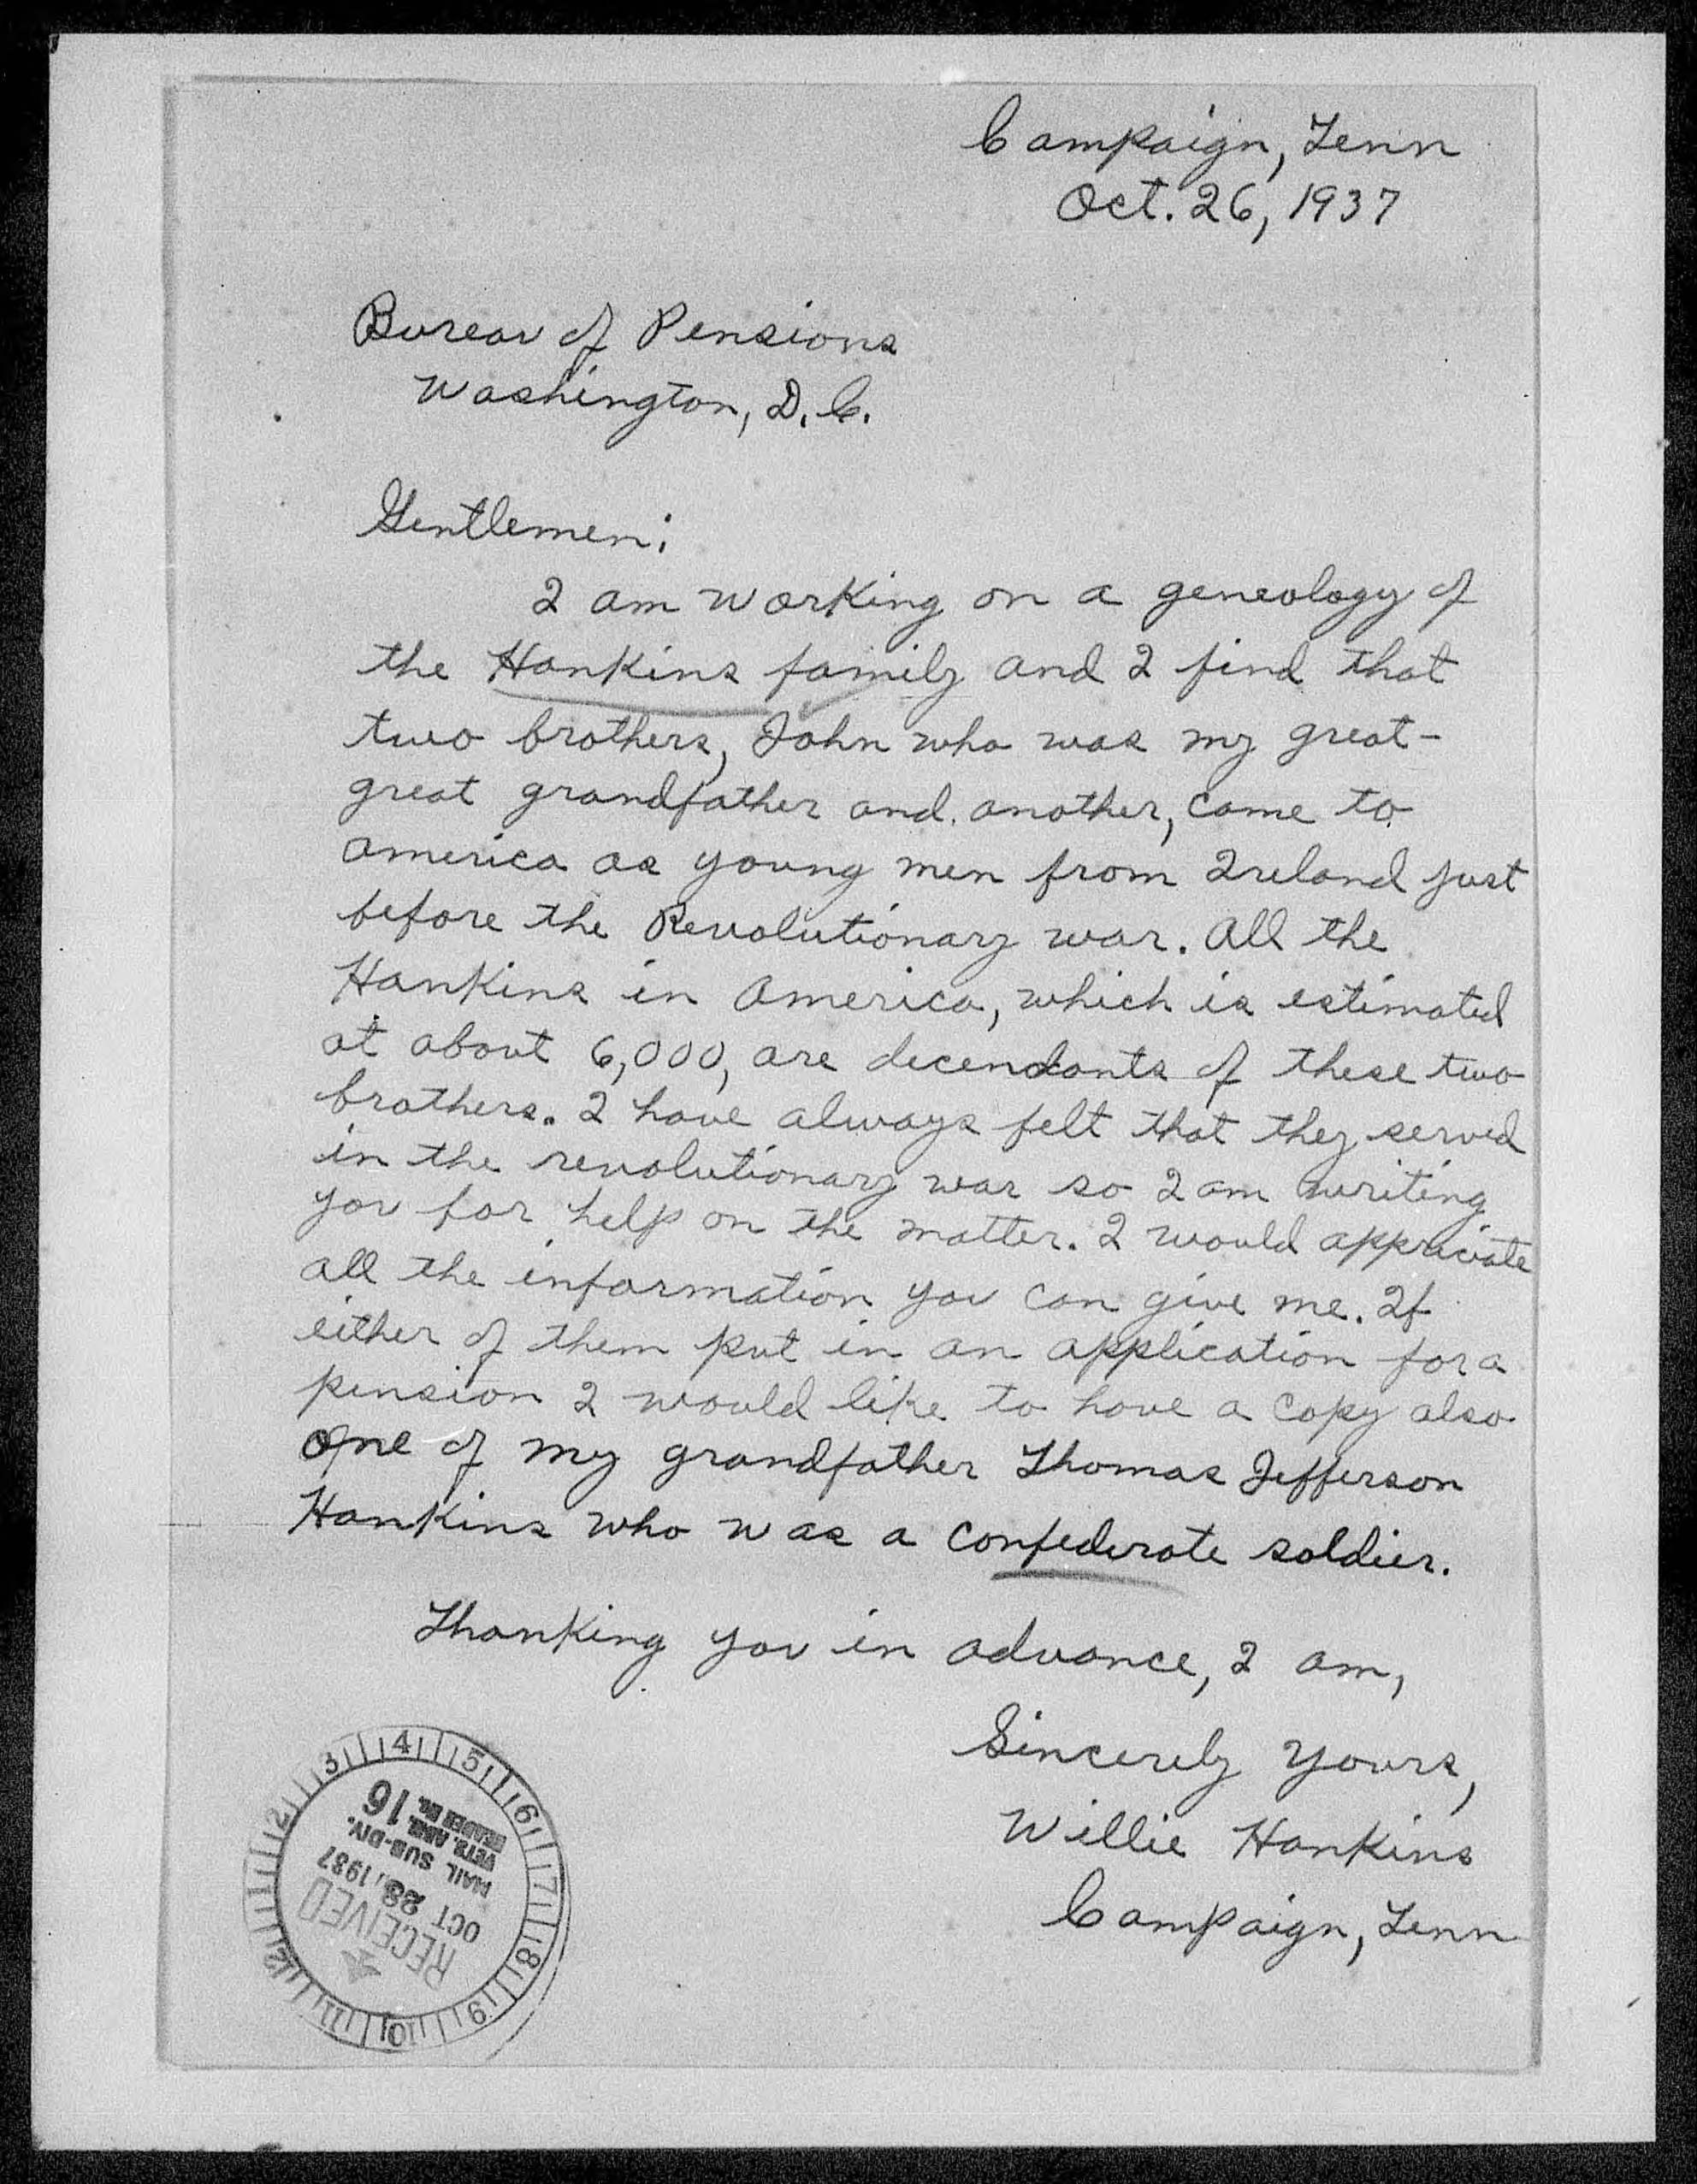Campaign, Tenn
Oct. 26, 1937

Bureau of Pensions
Washington, D.C.

Gentlemen:
I am working on a geneology of the Hankins family and I find that two brothers, John who was my great-great grandfather and another, came to America as young men from Ireland just before the Revolutionary war. All the Hankins in America, which is estimated at about 6,000, are decendants of these two brothers. I have always felt that they served in the revolutionary war so I am writing you for help on the matter. I would appreciate all the information you can give me. If either of them put in an application for a pension I would like to have a copy also one of my grandfather Thomas Jefferson Hankins who was a Confederate soldier.
Thanking you in advance, I am,
Sincerely Yours,
Willie Hankins,
Campaign, Tenn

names: Hankins, Willie Hankins, John, Thomas Jefferson Hankins, Hankins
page: 11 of 19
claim: survivor's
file: S. 16404, John Hankins, Va.